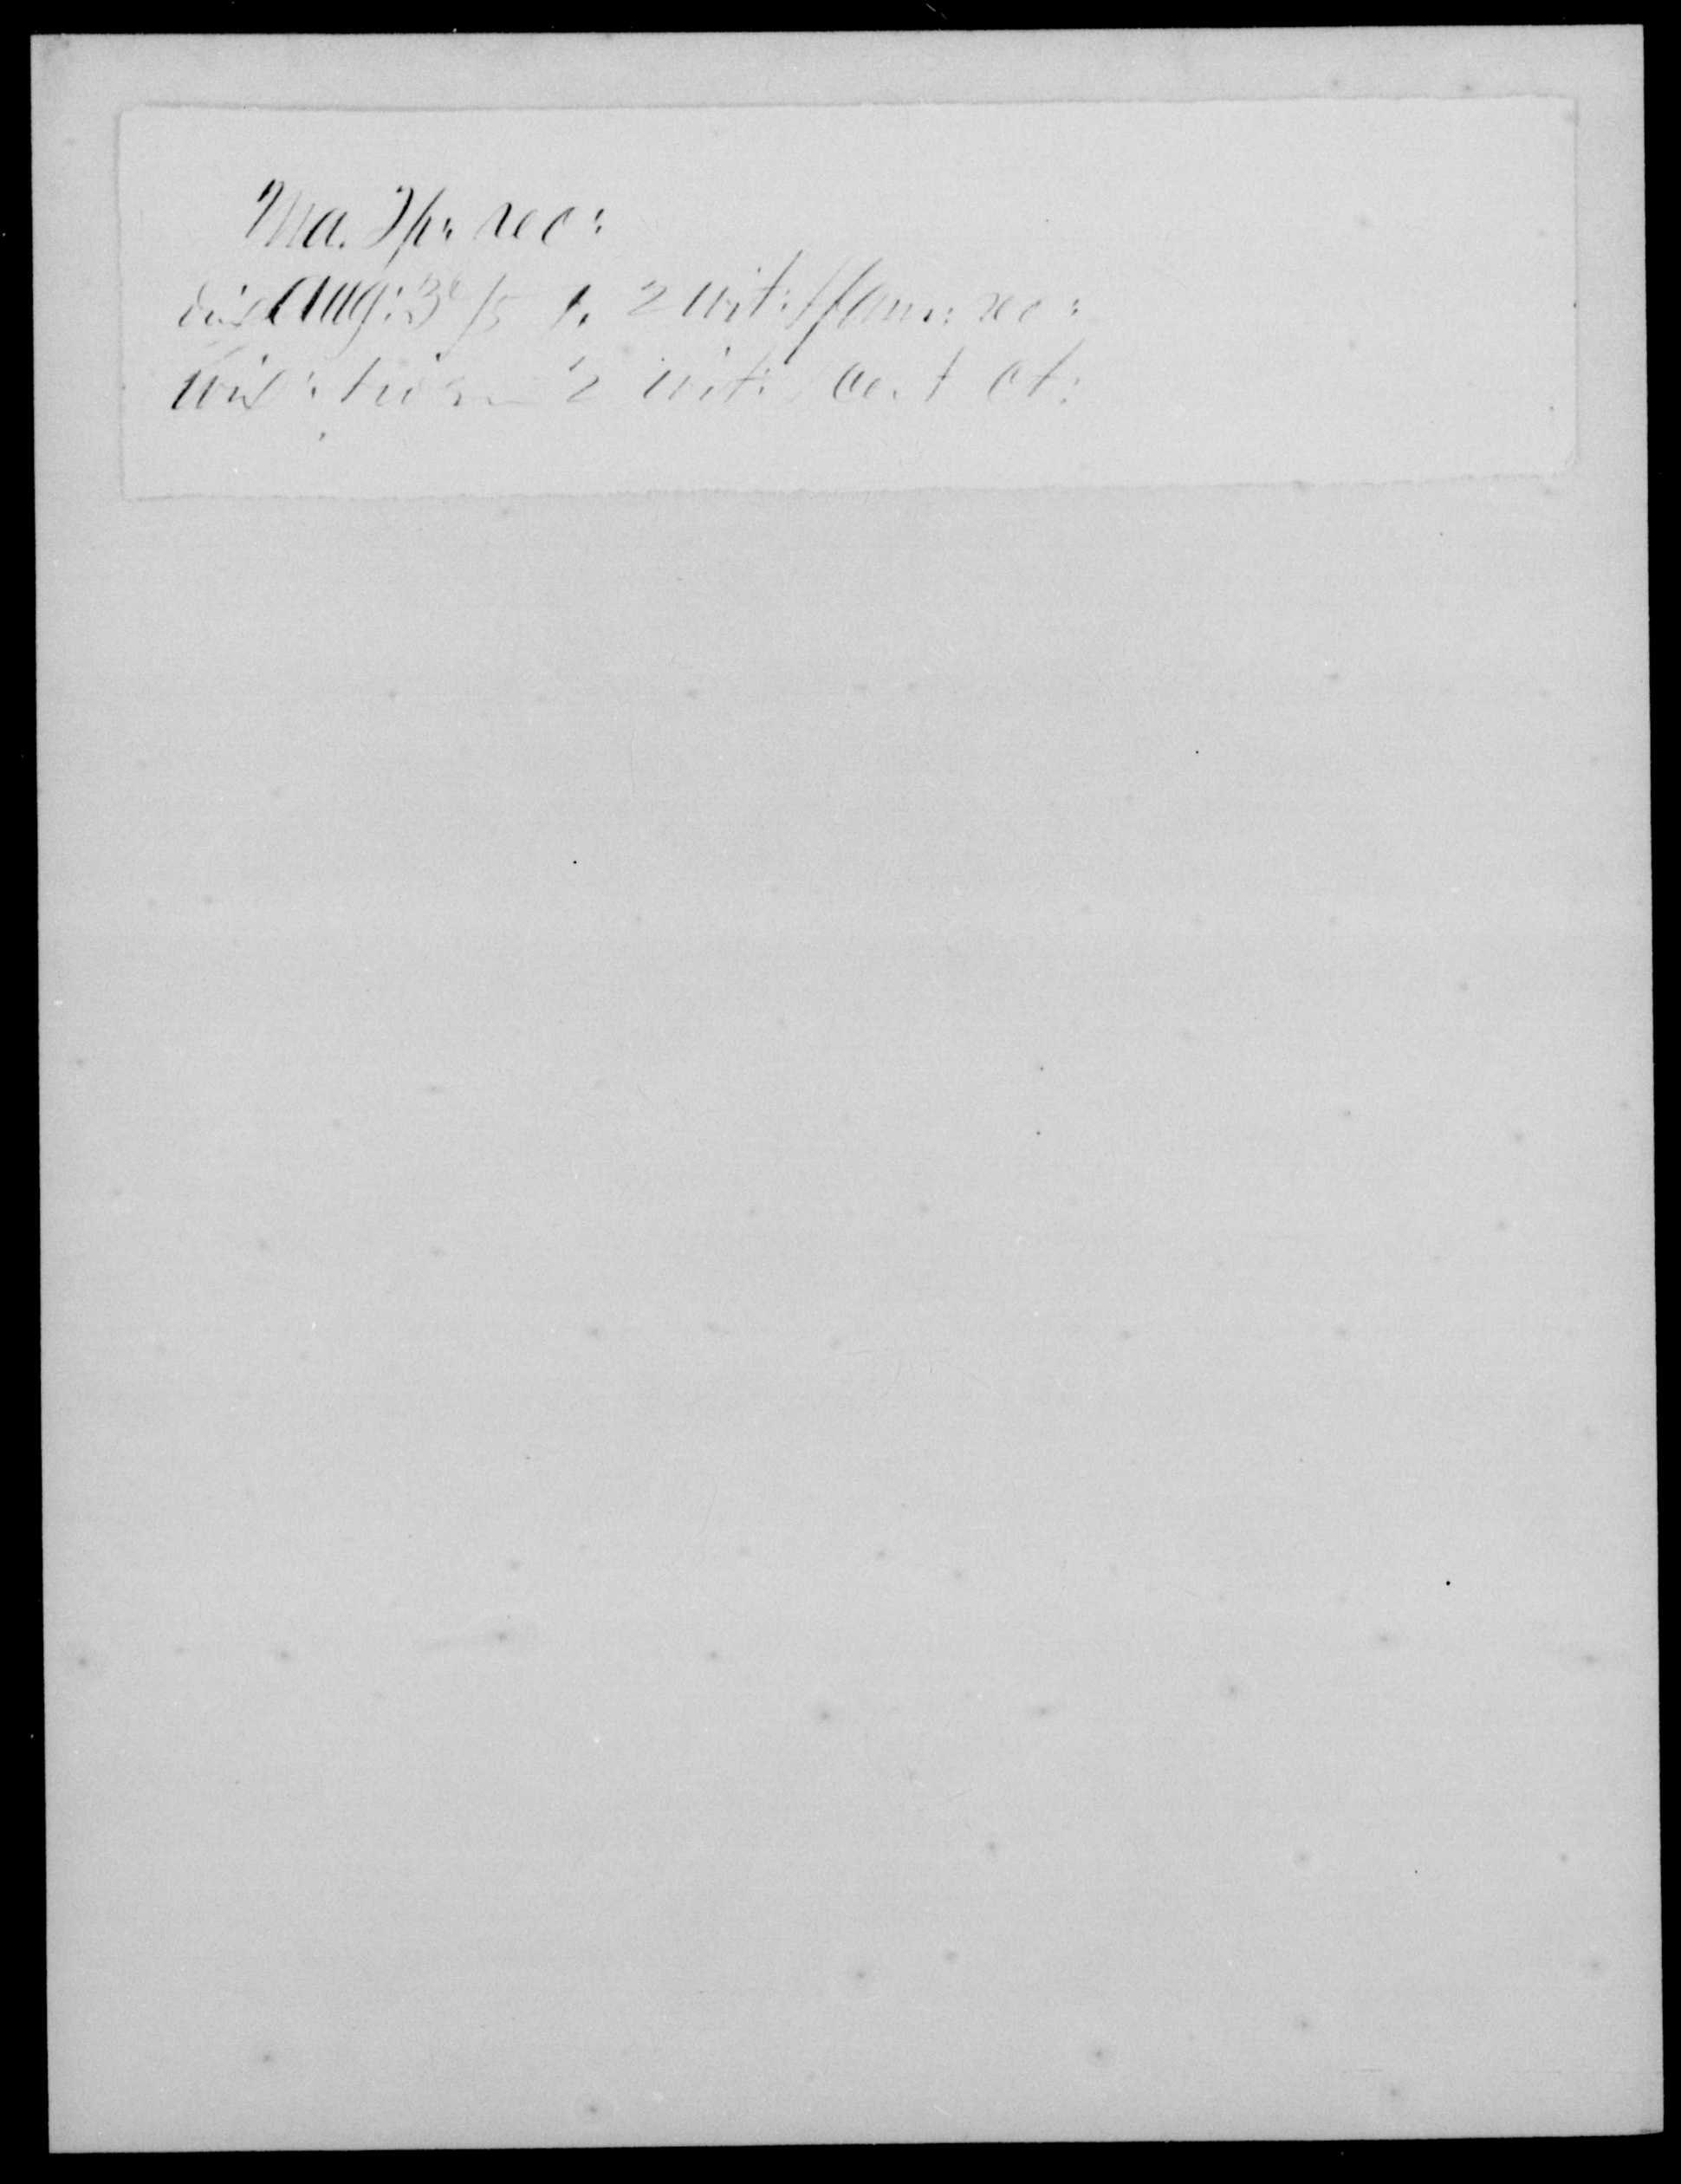Ma the rec:
[ ] Aug 3 2/5 t. 2 witt fam [ ]:
[ ] 2 wit act of:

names: [BLANK]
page: 34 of 65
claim: widow's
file: W. 7197, for Jonathan Spear, Vermont